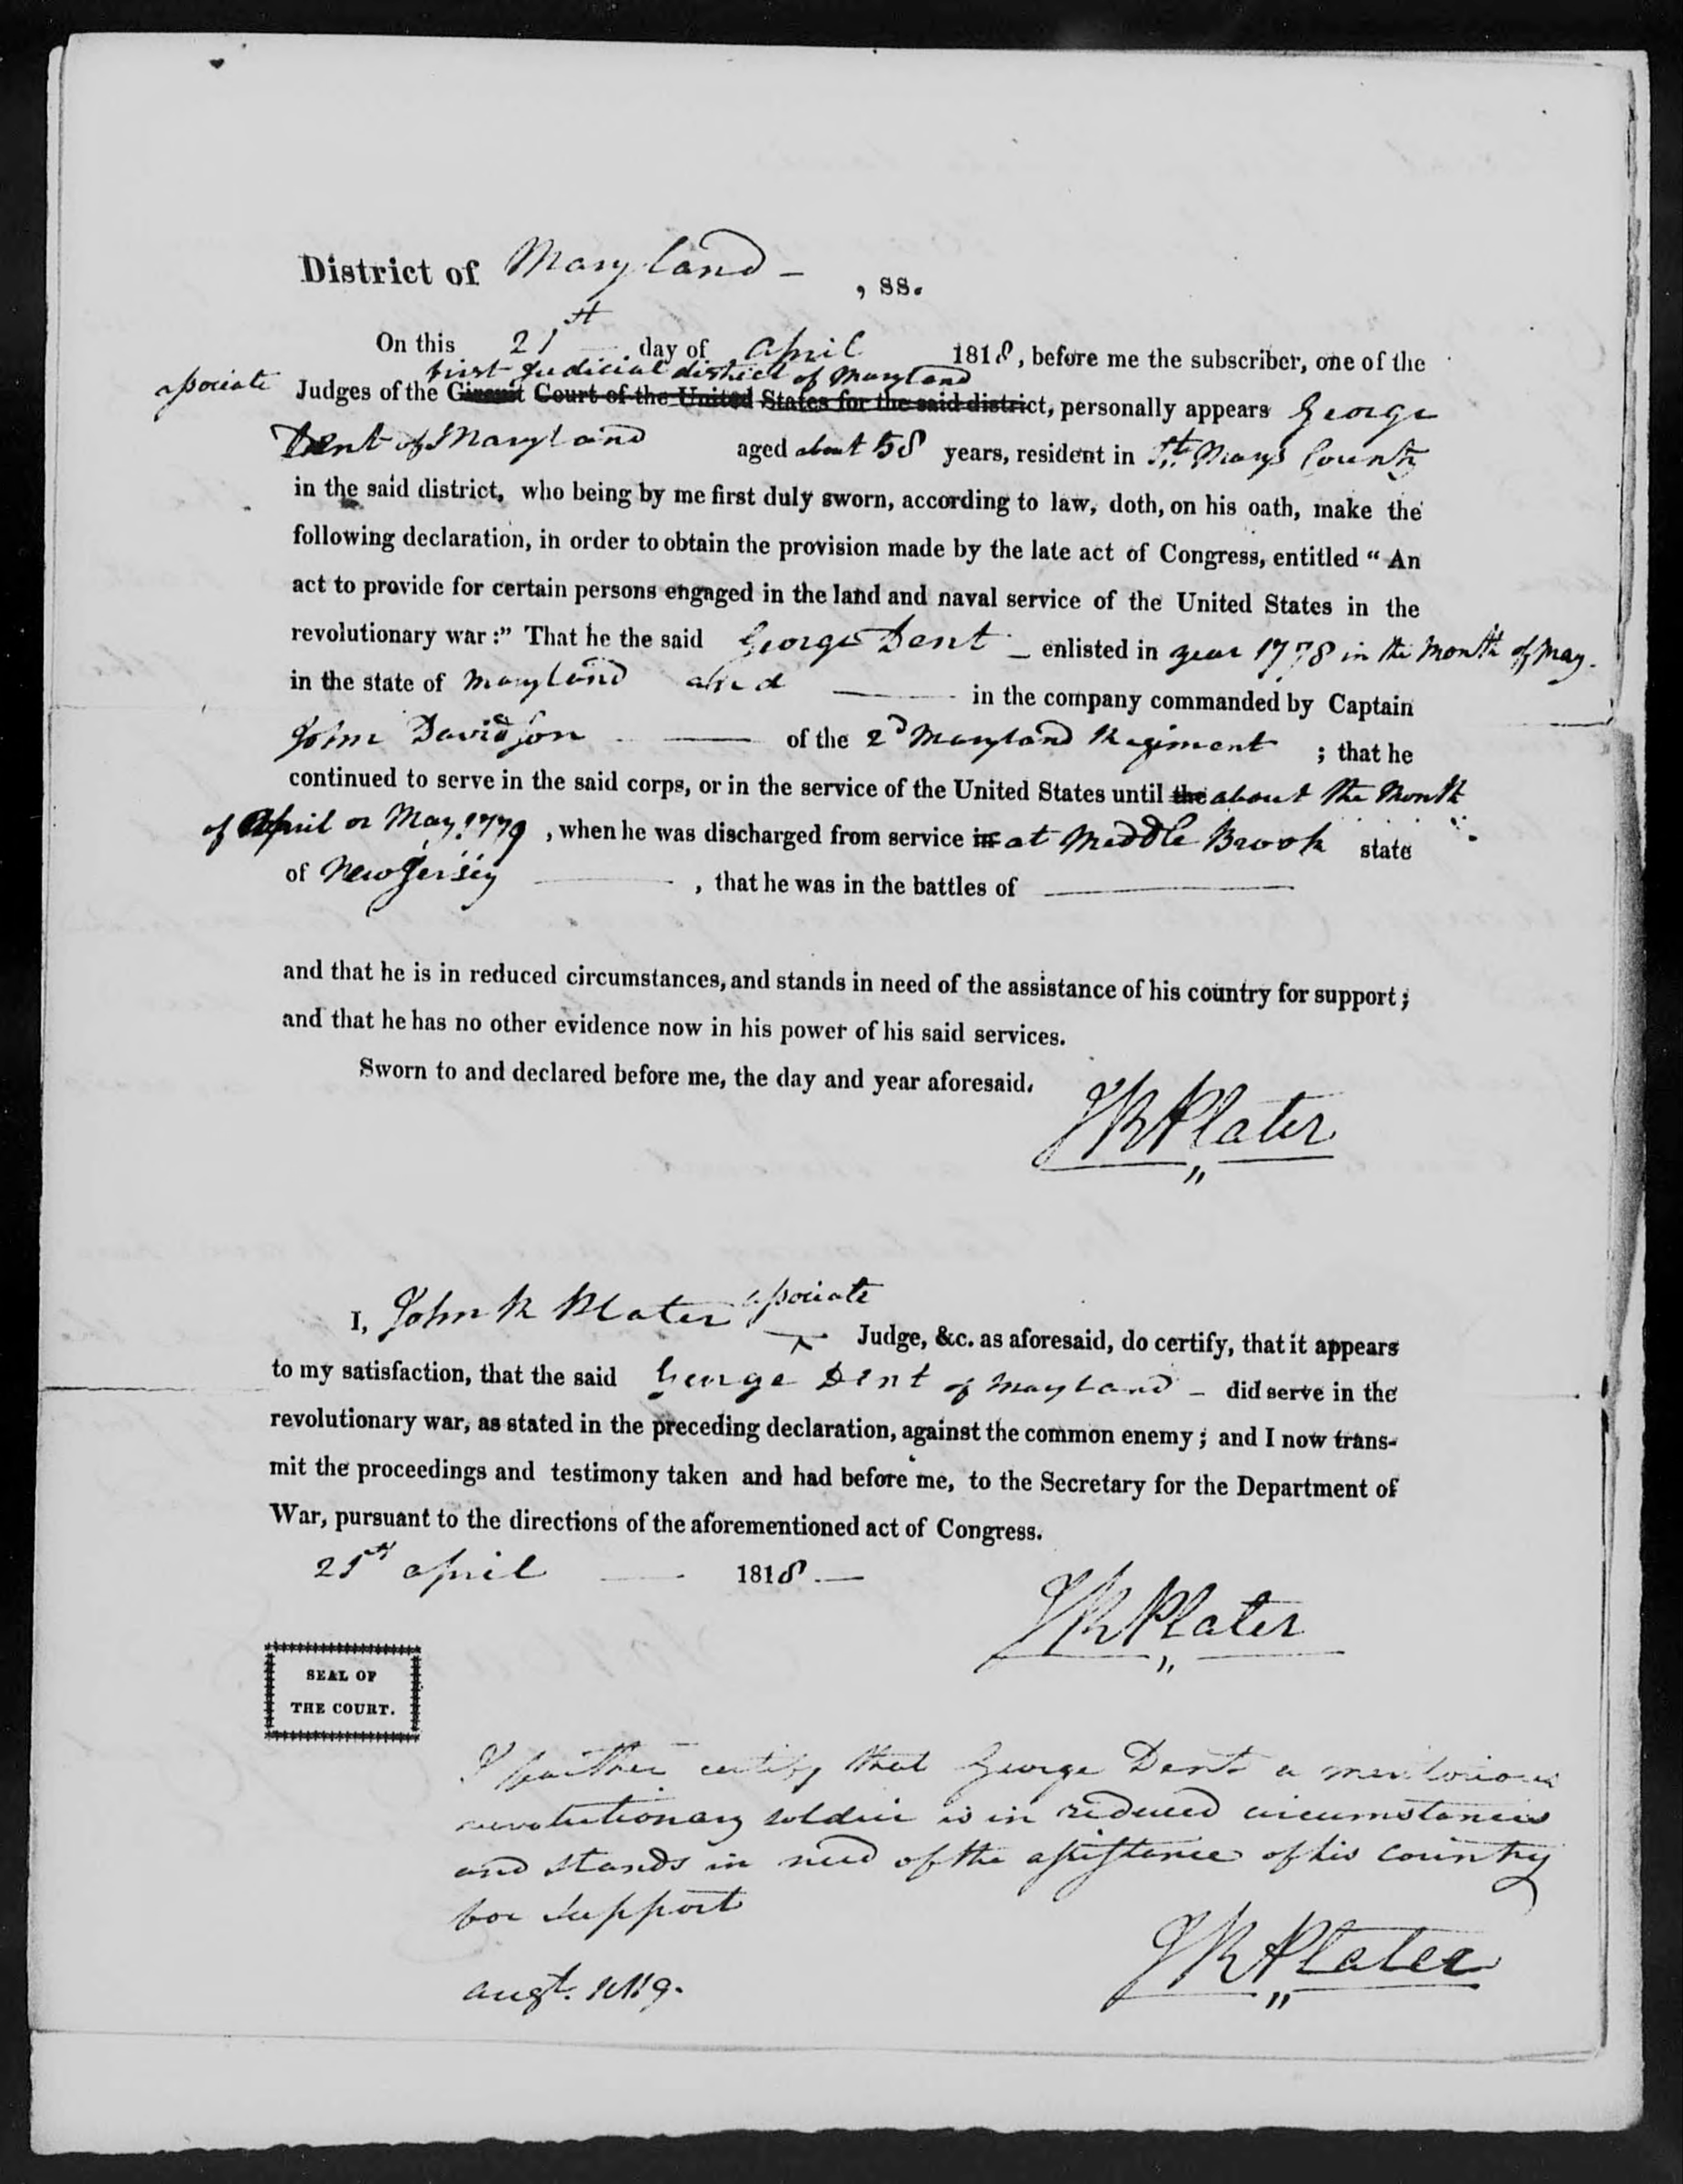District of Maryland

On this 21st day of April 1818 before me the subscriber, one of the appointed Judges of the first Judicial District of Maryland personally appears George Dent of Maryland aged about 58 years, resident in St Mary's County in the said district, who being by me first duly sworn, according to law, doth on is oath, make the following declaration in order to obtain the provision made by the late act of Congress entitled "An act to provide for certain persons engaged in the land and naval service of the United States in the revolutionary war;" that he the said George Dent enlisted in year 1778 in the month of May in the state of Maryland and in the company commanded by Captain John Davidson of the 2nd Maryland Regiment; that he continued to serve in the said corps or in the service of the United States until about the month of April or May 1779 when he was discharged from service at Middle Brook state of New Jersey that he was in the battles of blank and that he is in reduced circumstances and stand in need of the assistance of his county for support; and that he has no other evidence now in his power of his said services.
Sworn to and declared before me, the day and year aforesaid,

J R Plater

I John R Plater Associate Judge etc. as aforesaid, do certify that it appears to my satisfaction that the said George Dent of Maryland did serve in the revolutionary war as stated in the preceding declaration against the common enemy; and I now transmit the proceedings and testimony take and had before me to the Secretary for the Department of War pursuant to the directions of the aforementioned act of Congress.

25th April 1818

J R Plater
SEAL

I further certify that George Dent a meritorious revolutionary soldier is in reduced circumstances and stands in need of the assistance of his country for support.

Aug 10, '19

J R Plater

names: John R Plater, George Dent, George Dent, George Dent, J R Plater, J R Plater, J R Plater, John Davidson, George Dent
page: 47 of 49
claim: survivor's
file: S. 12755, George Dent, Md.